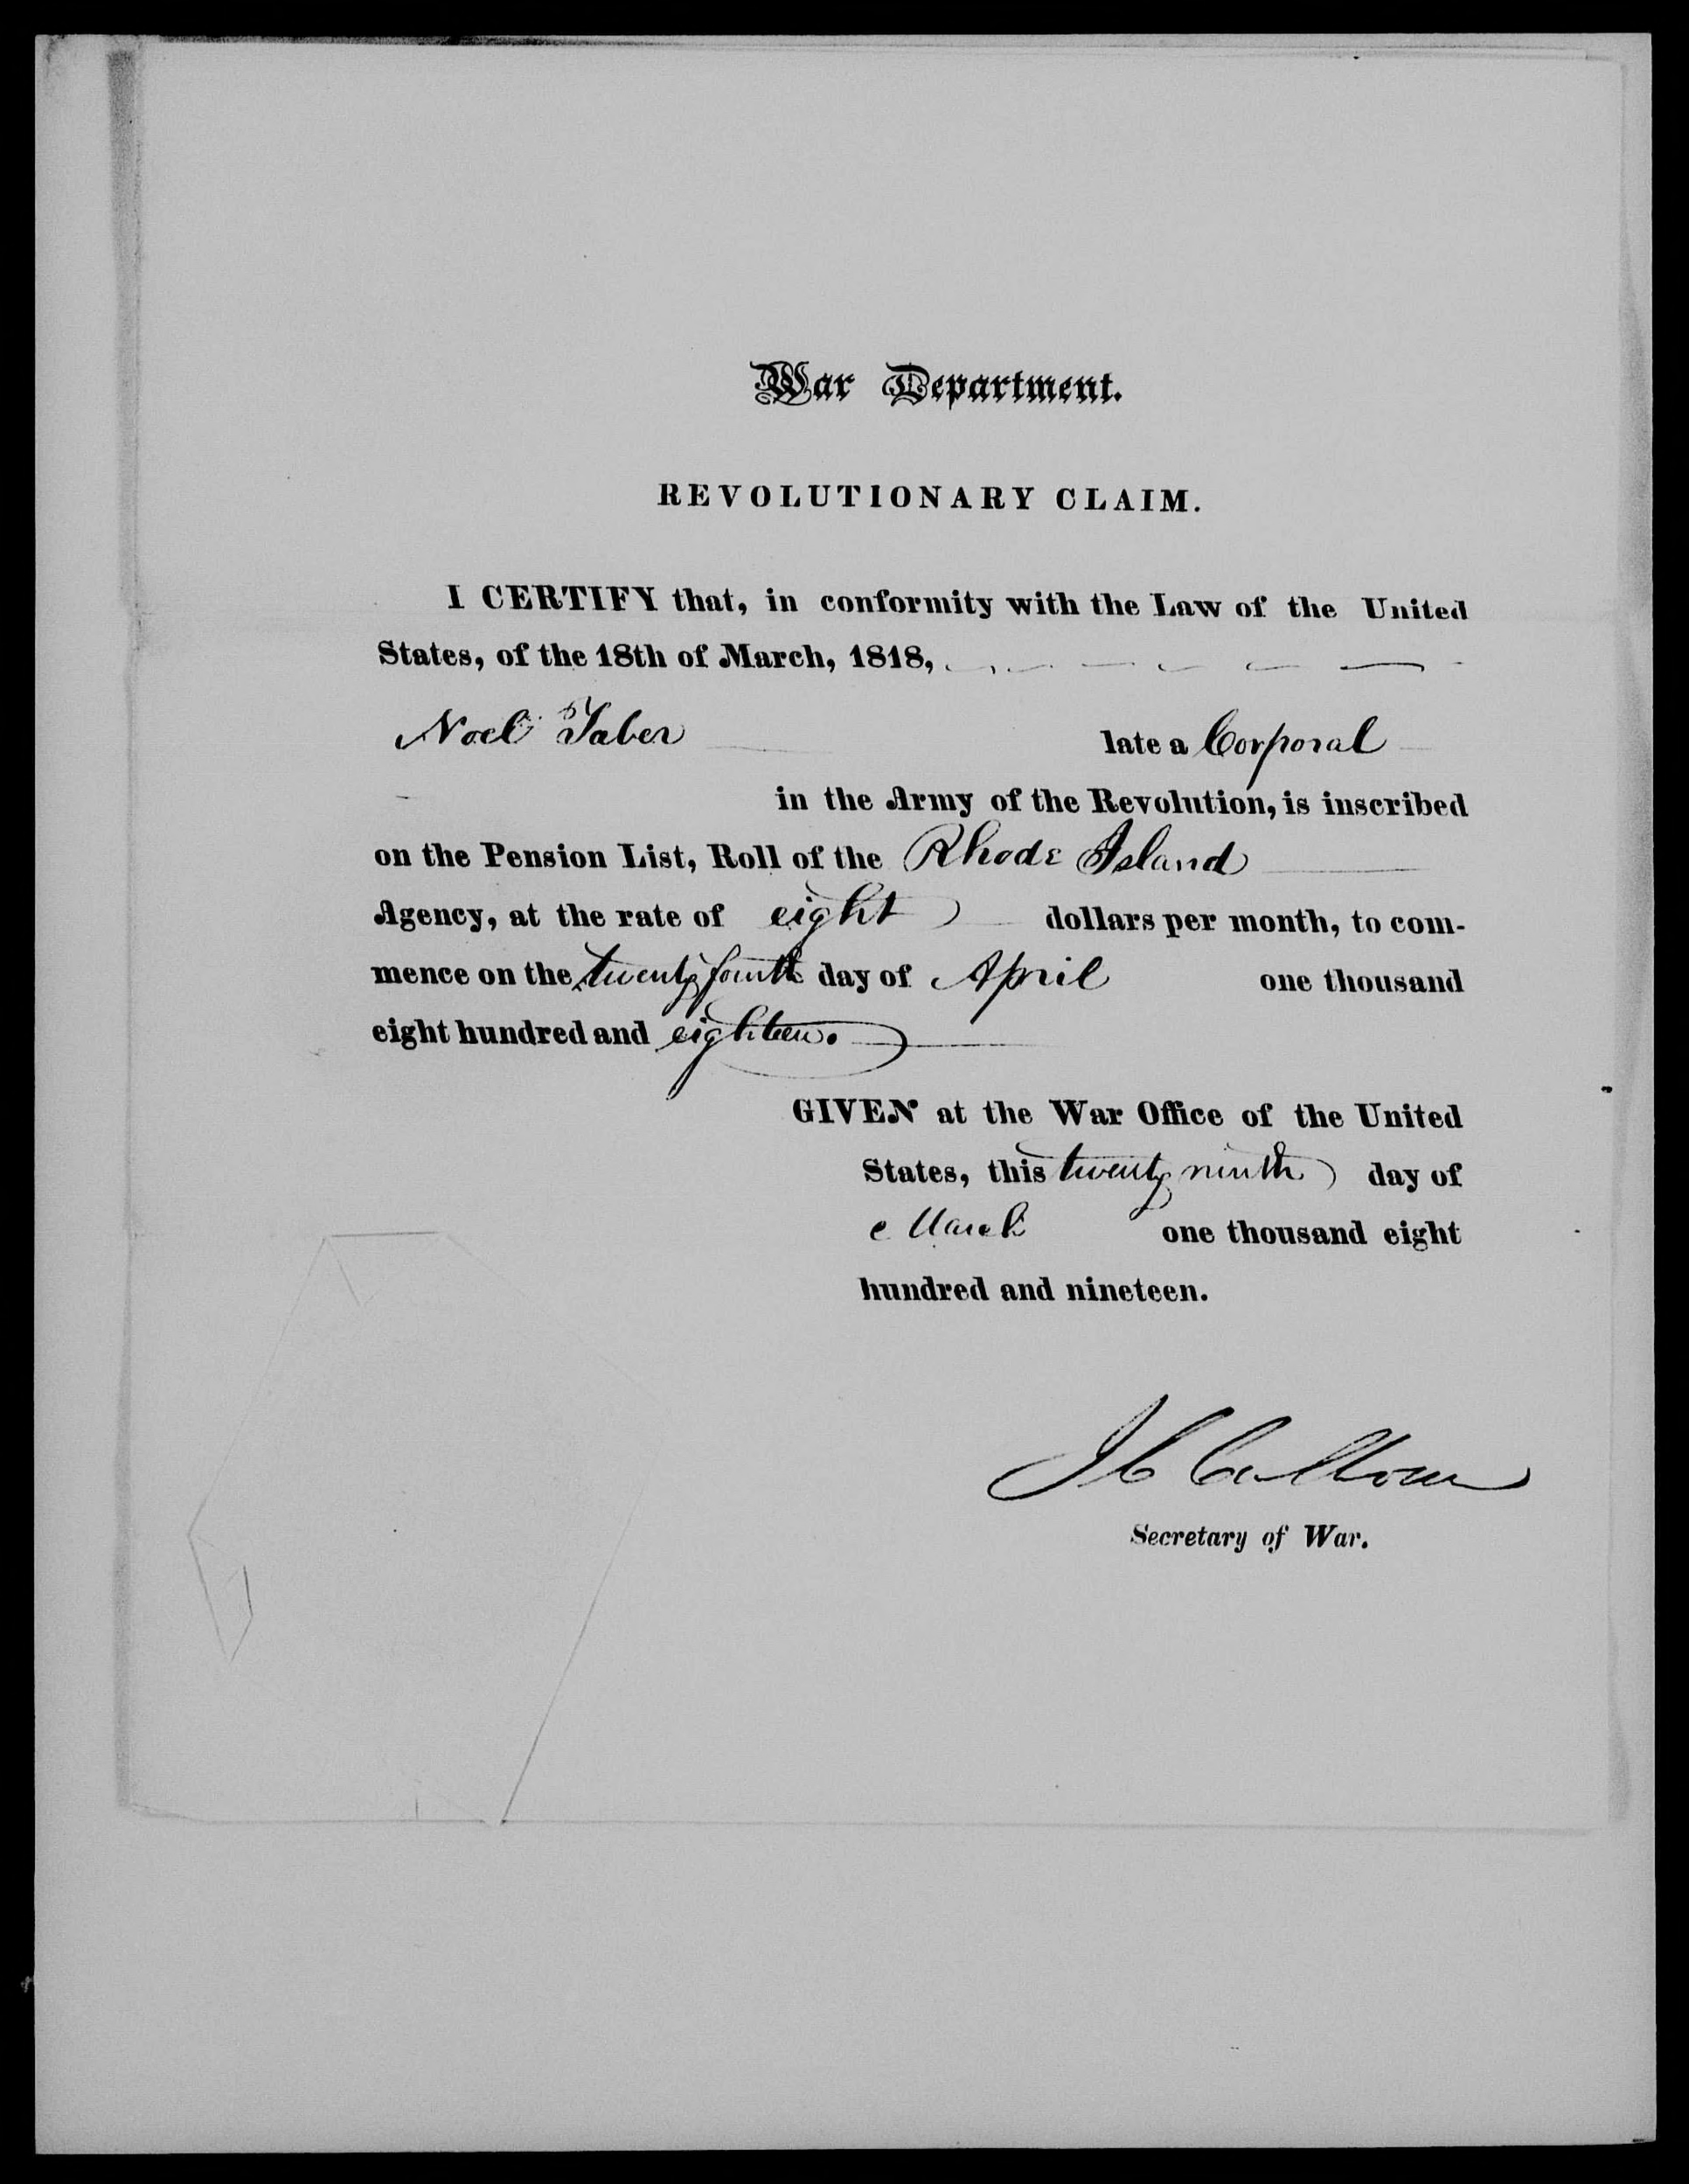War Department
REVOLUTIONARY CLAIM
I CERTIFY that, in conformity with the Law of the United
States, of the 18th of March,1818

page: 16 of 22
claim: survivor's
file: S 33777, for Noel Taber, Rhode Island